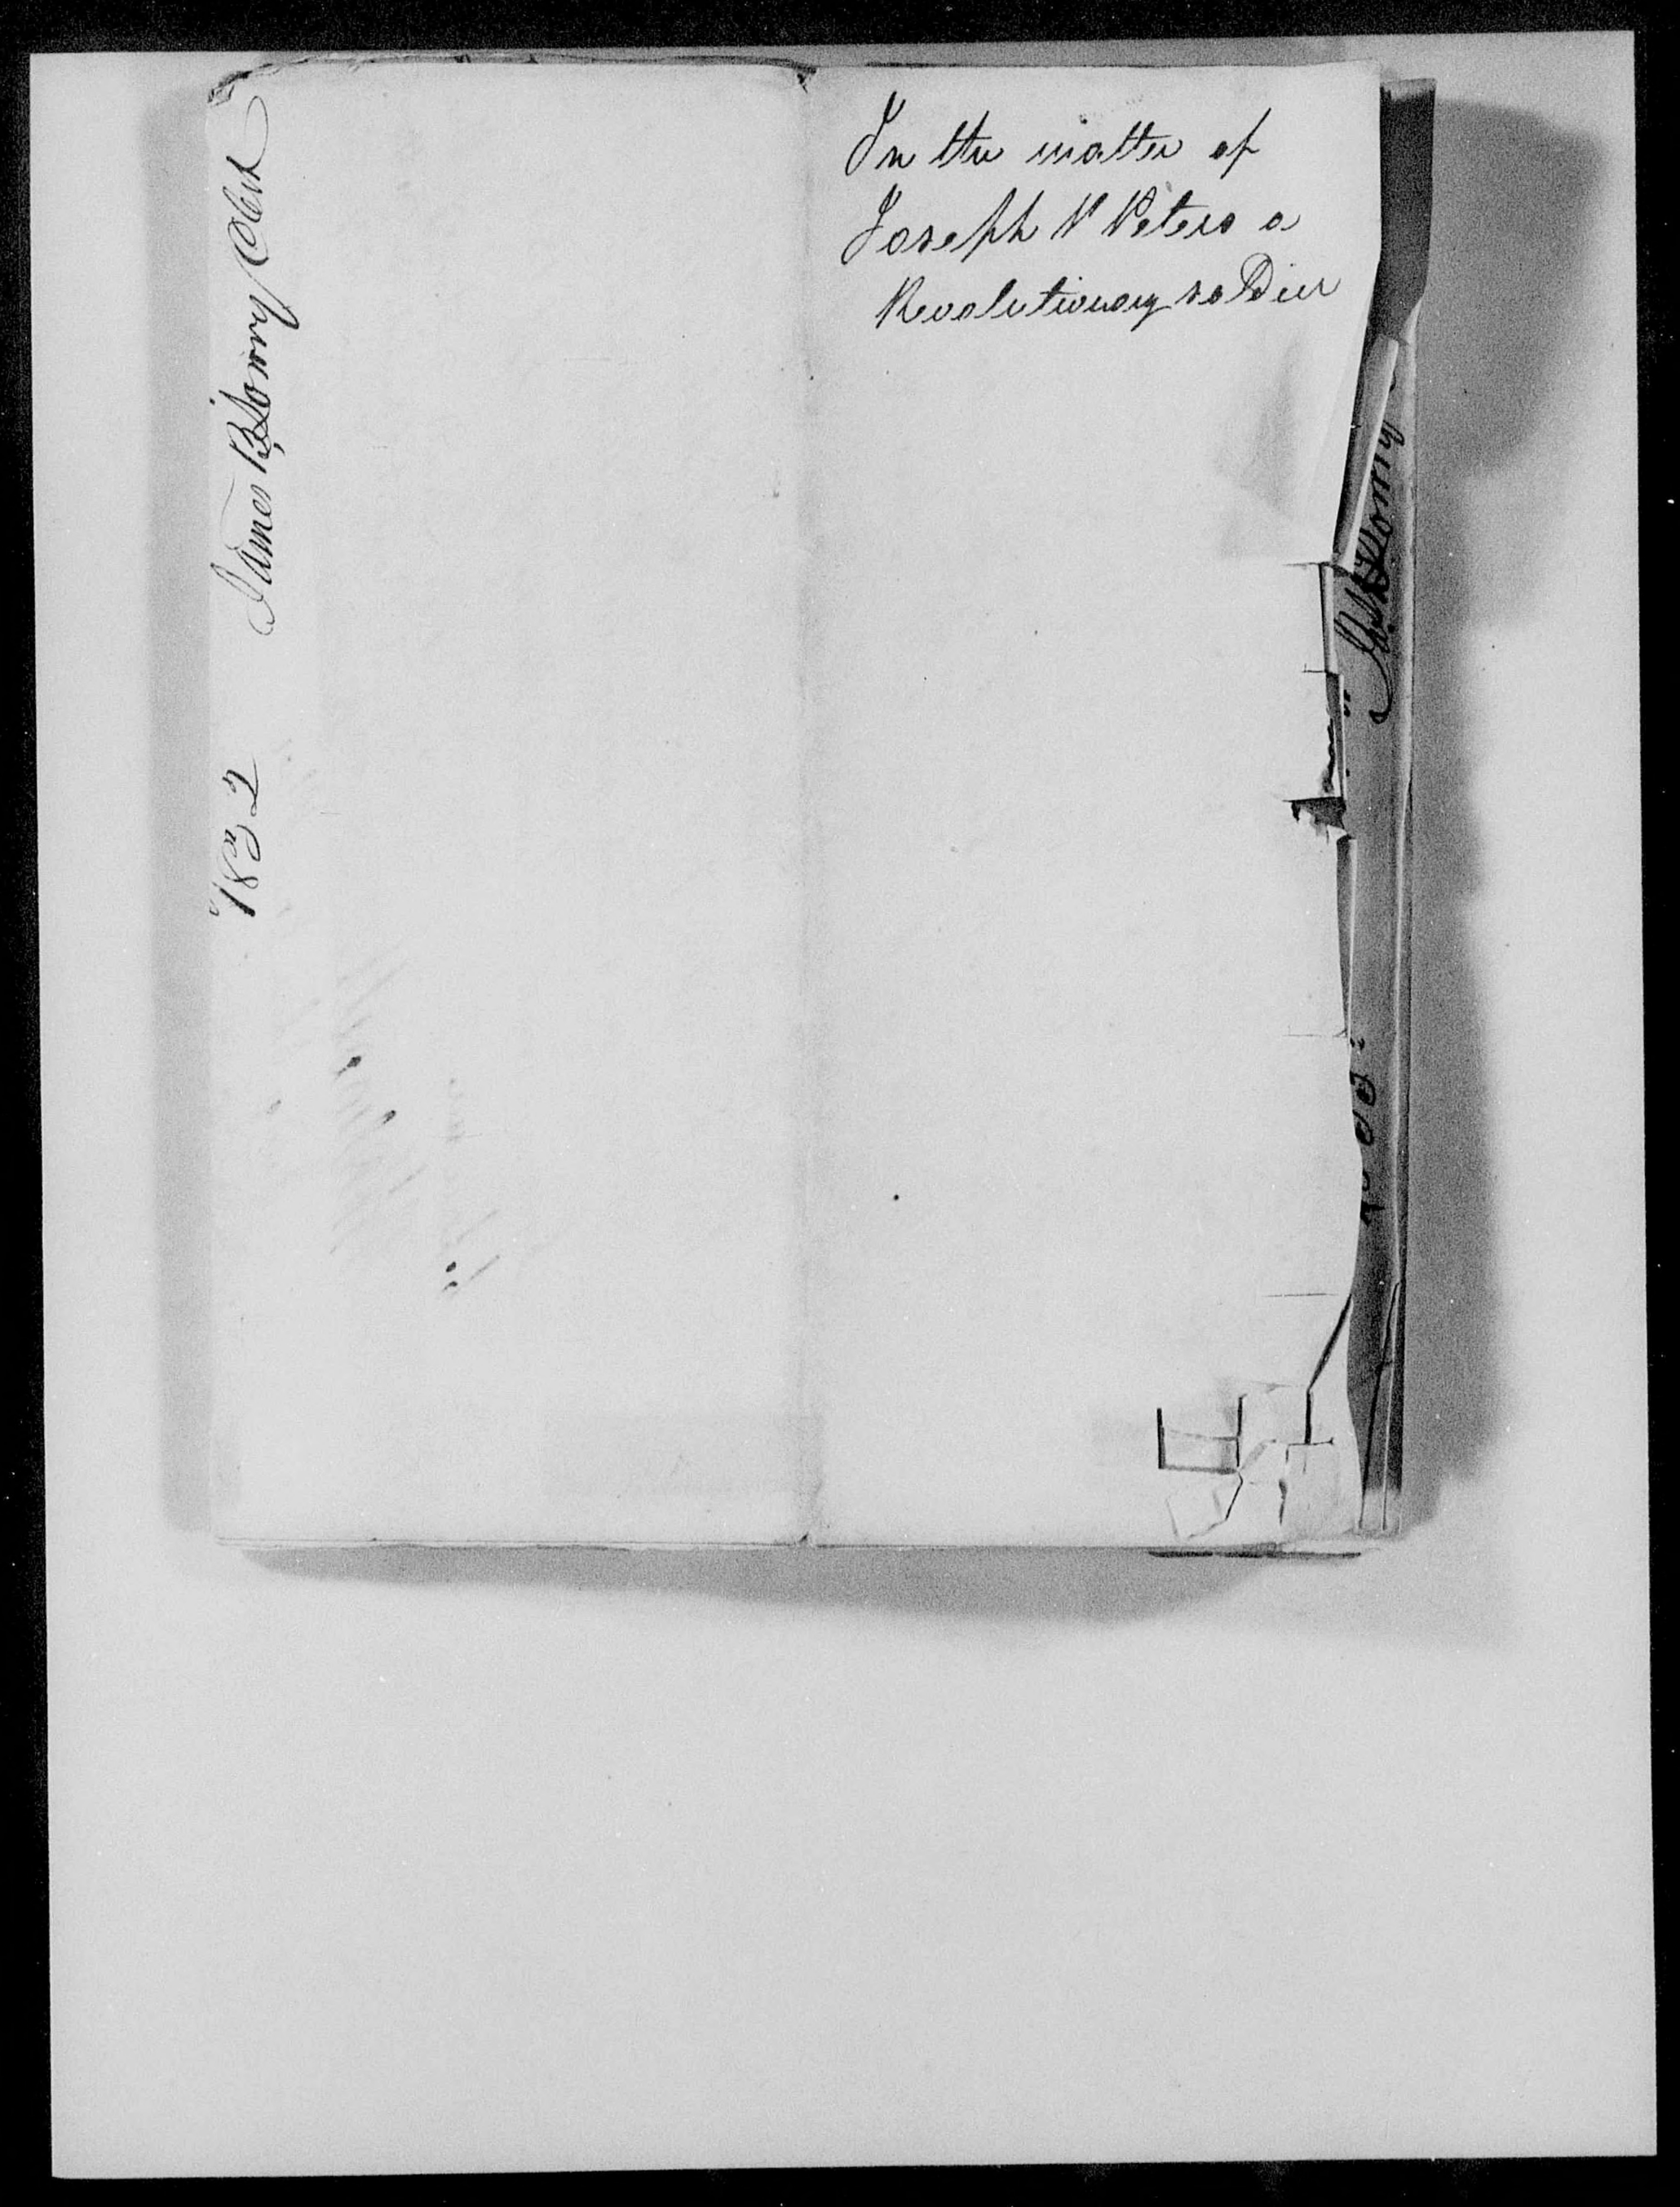1832 James B. Lowry Clerk 
In the matter of Joseph P Peters a Revolutionary soldier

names: James B Lowry; Joseph P Peters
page: 17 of 73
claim: widow's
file: W. 2338, for Joseph P Peters, Connecticut